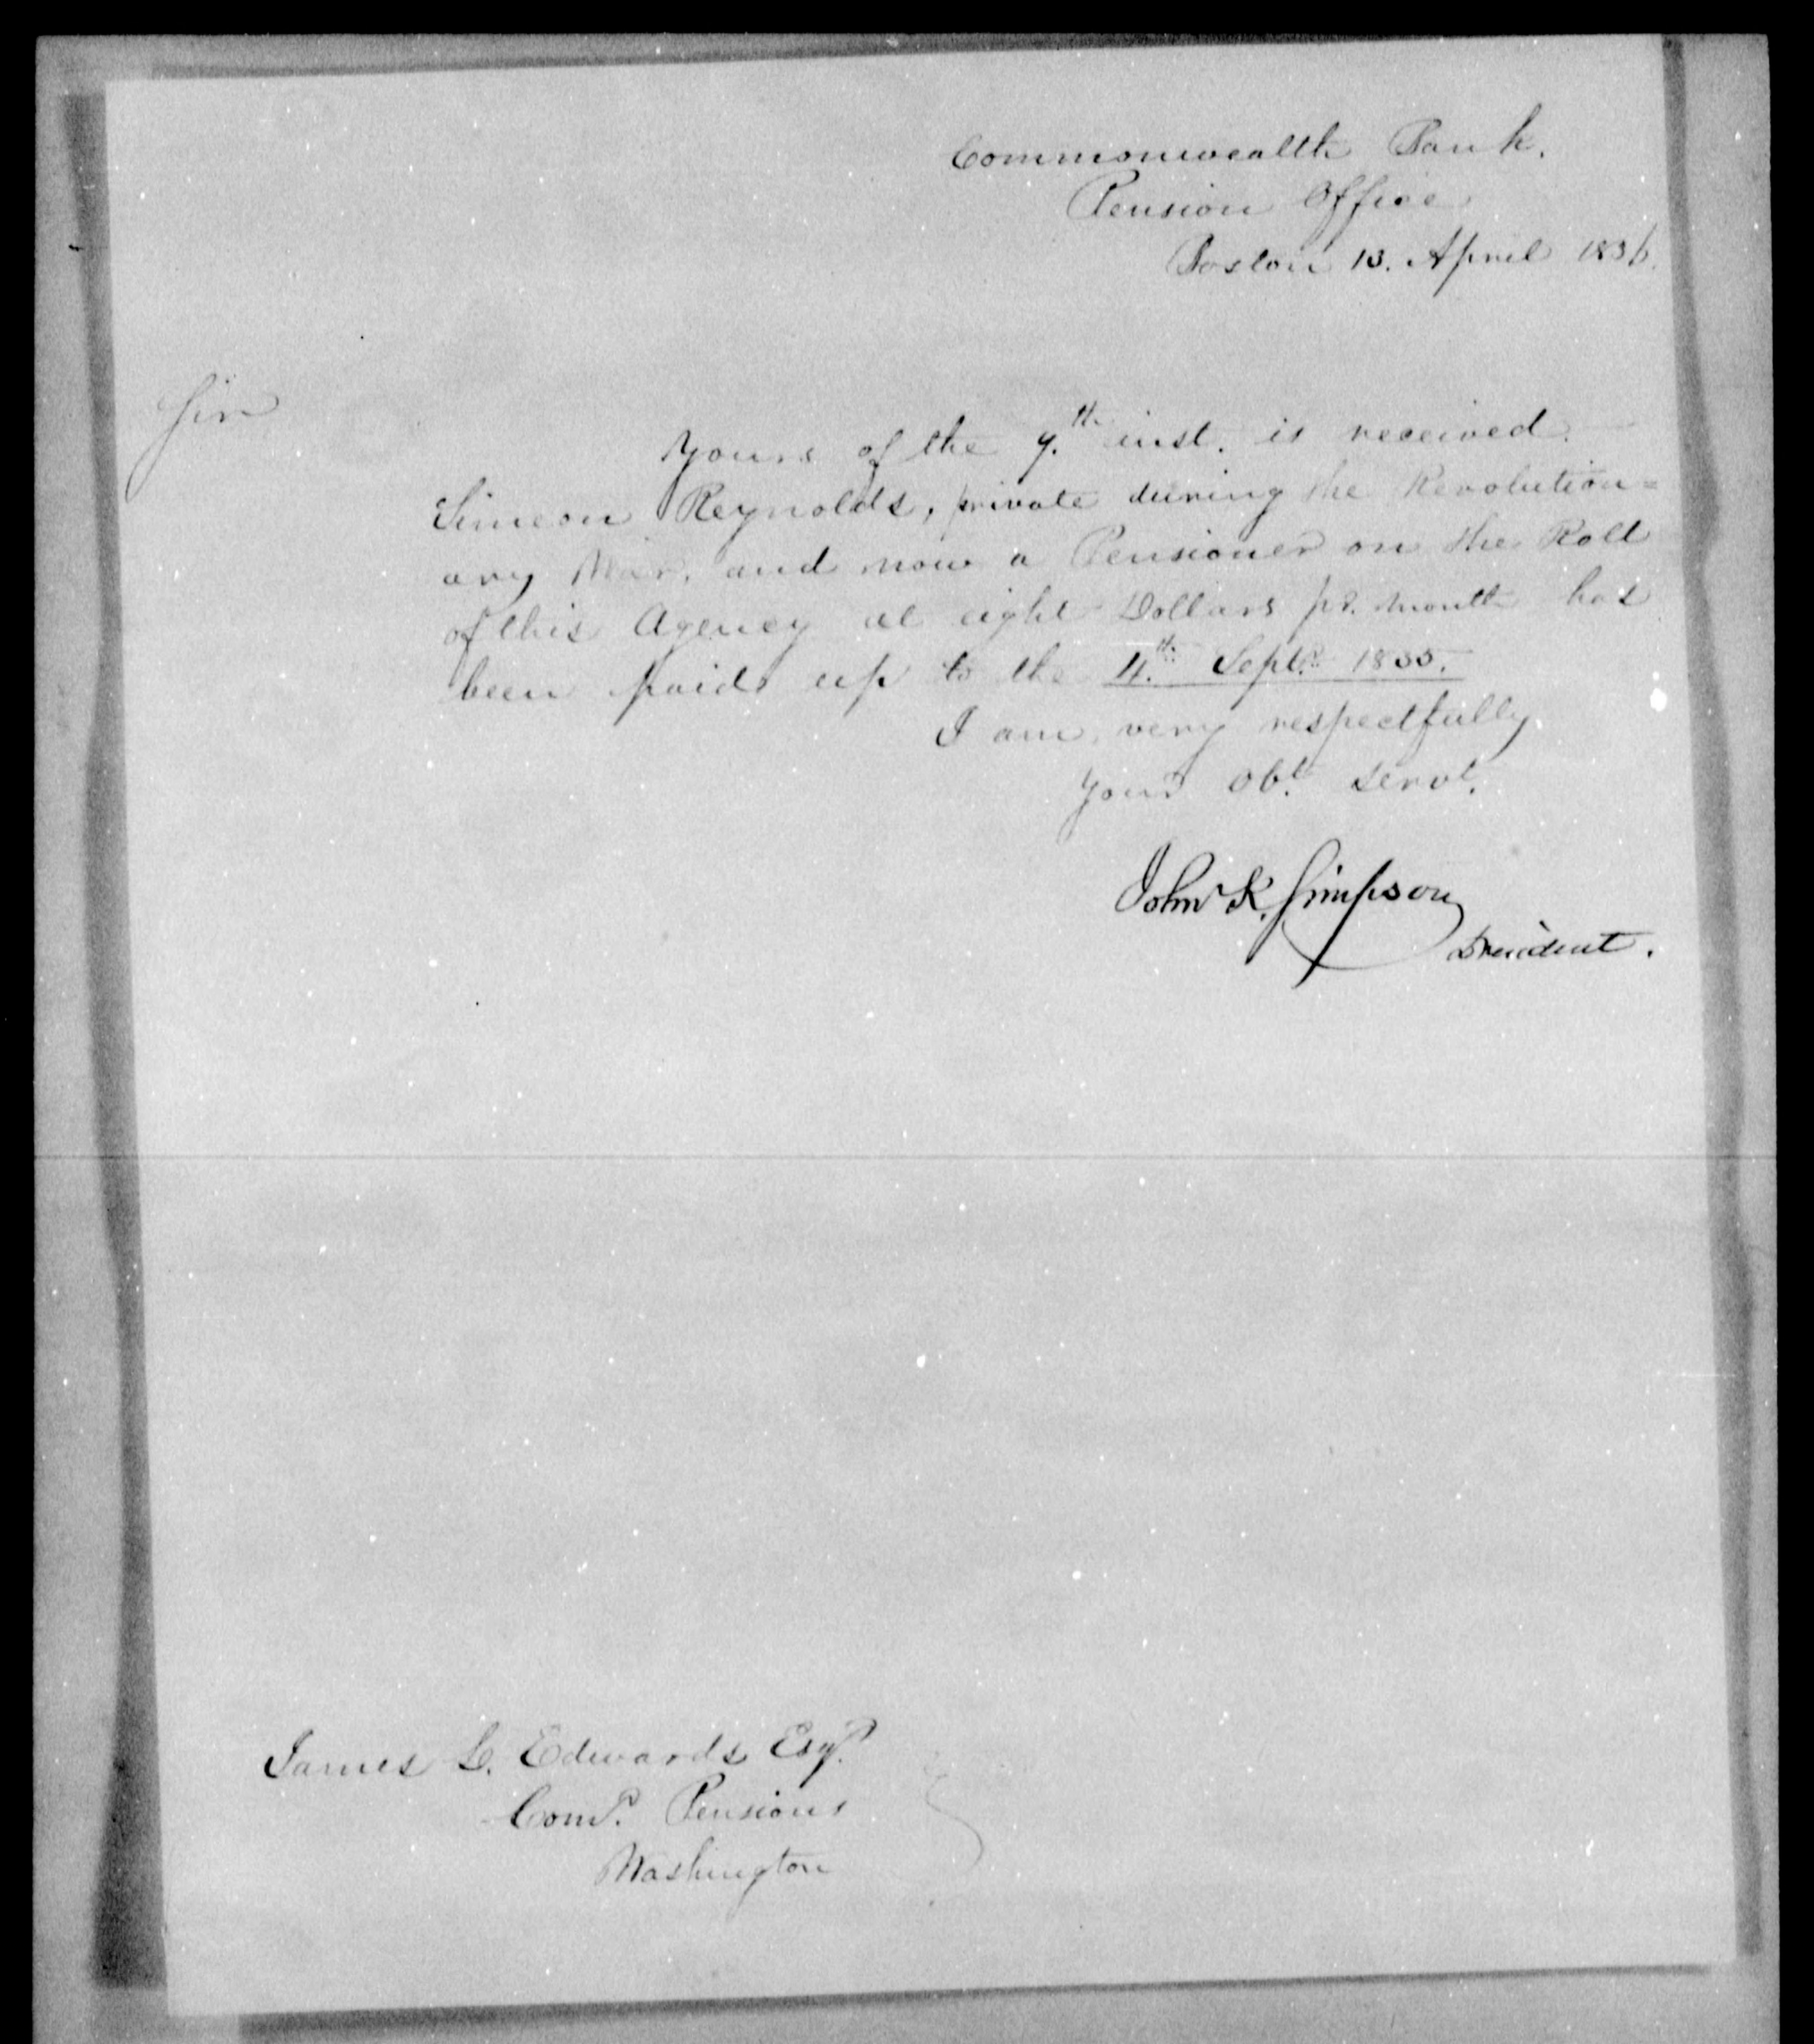Commonwealth Bank,
Pension Office
Boston 13 April 1836

Sir

Yours of the 7th inst. is received Simeon Reynolds, private during the Revolutionary War, and now a pensioner on the Roll of this Agency at eight dollars per month has been paid up to the 4th Sept 1835.

I am, very respectfully, your obt servt

John R Simpson
President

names: James L Edwards; John R Simpson; Simeon Reynolds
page: 19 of 20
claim: survivor's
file: S. 41,094, for Simeon Reynolds, Connecticut